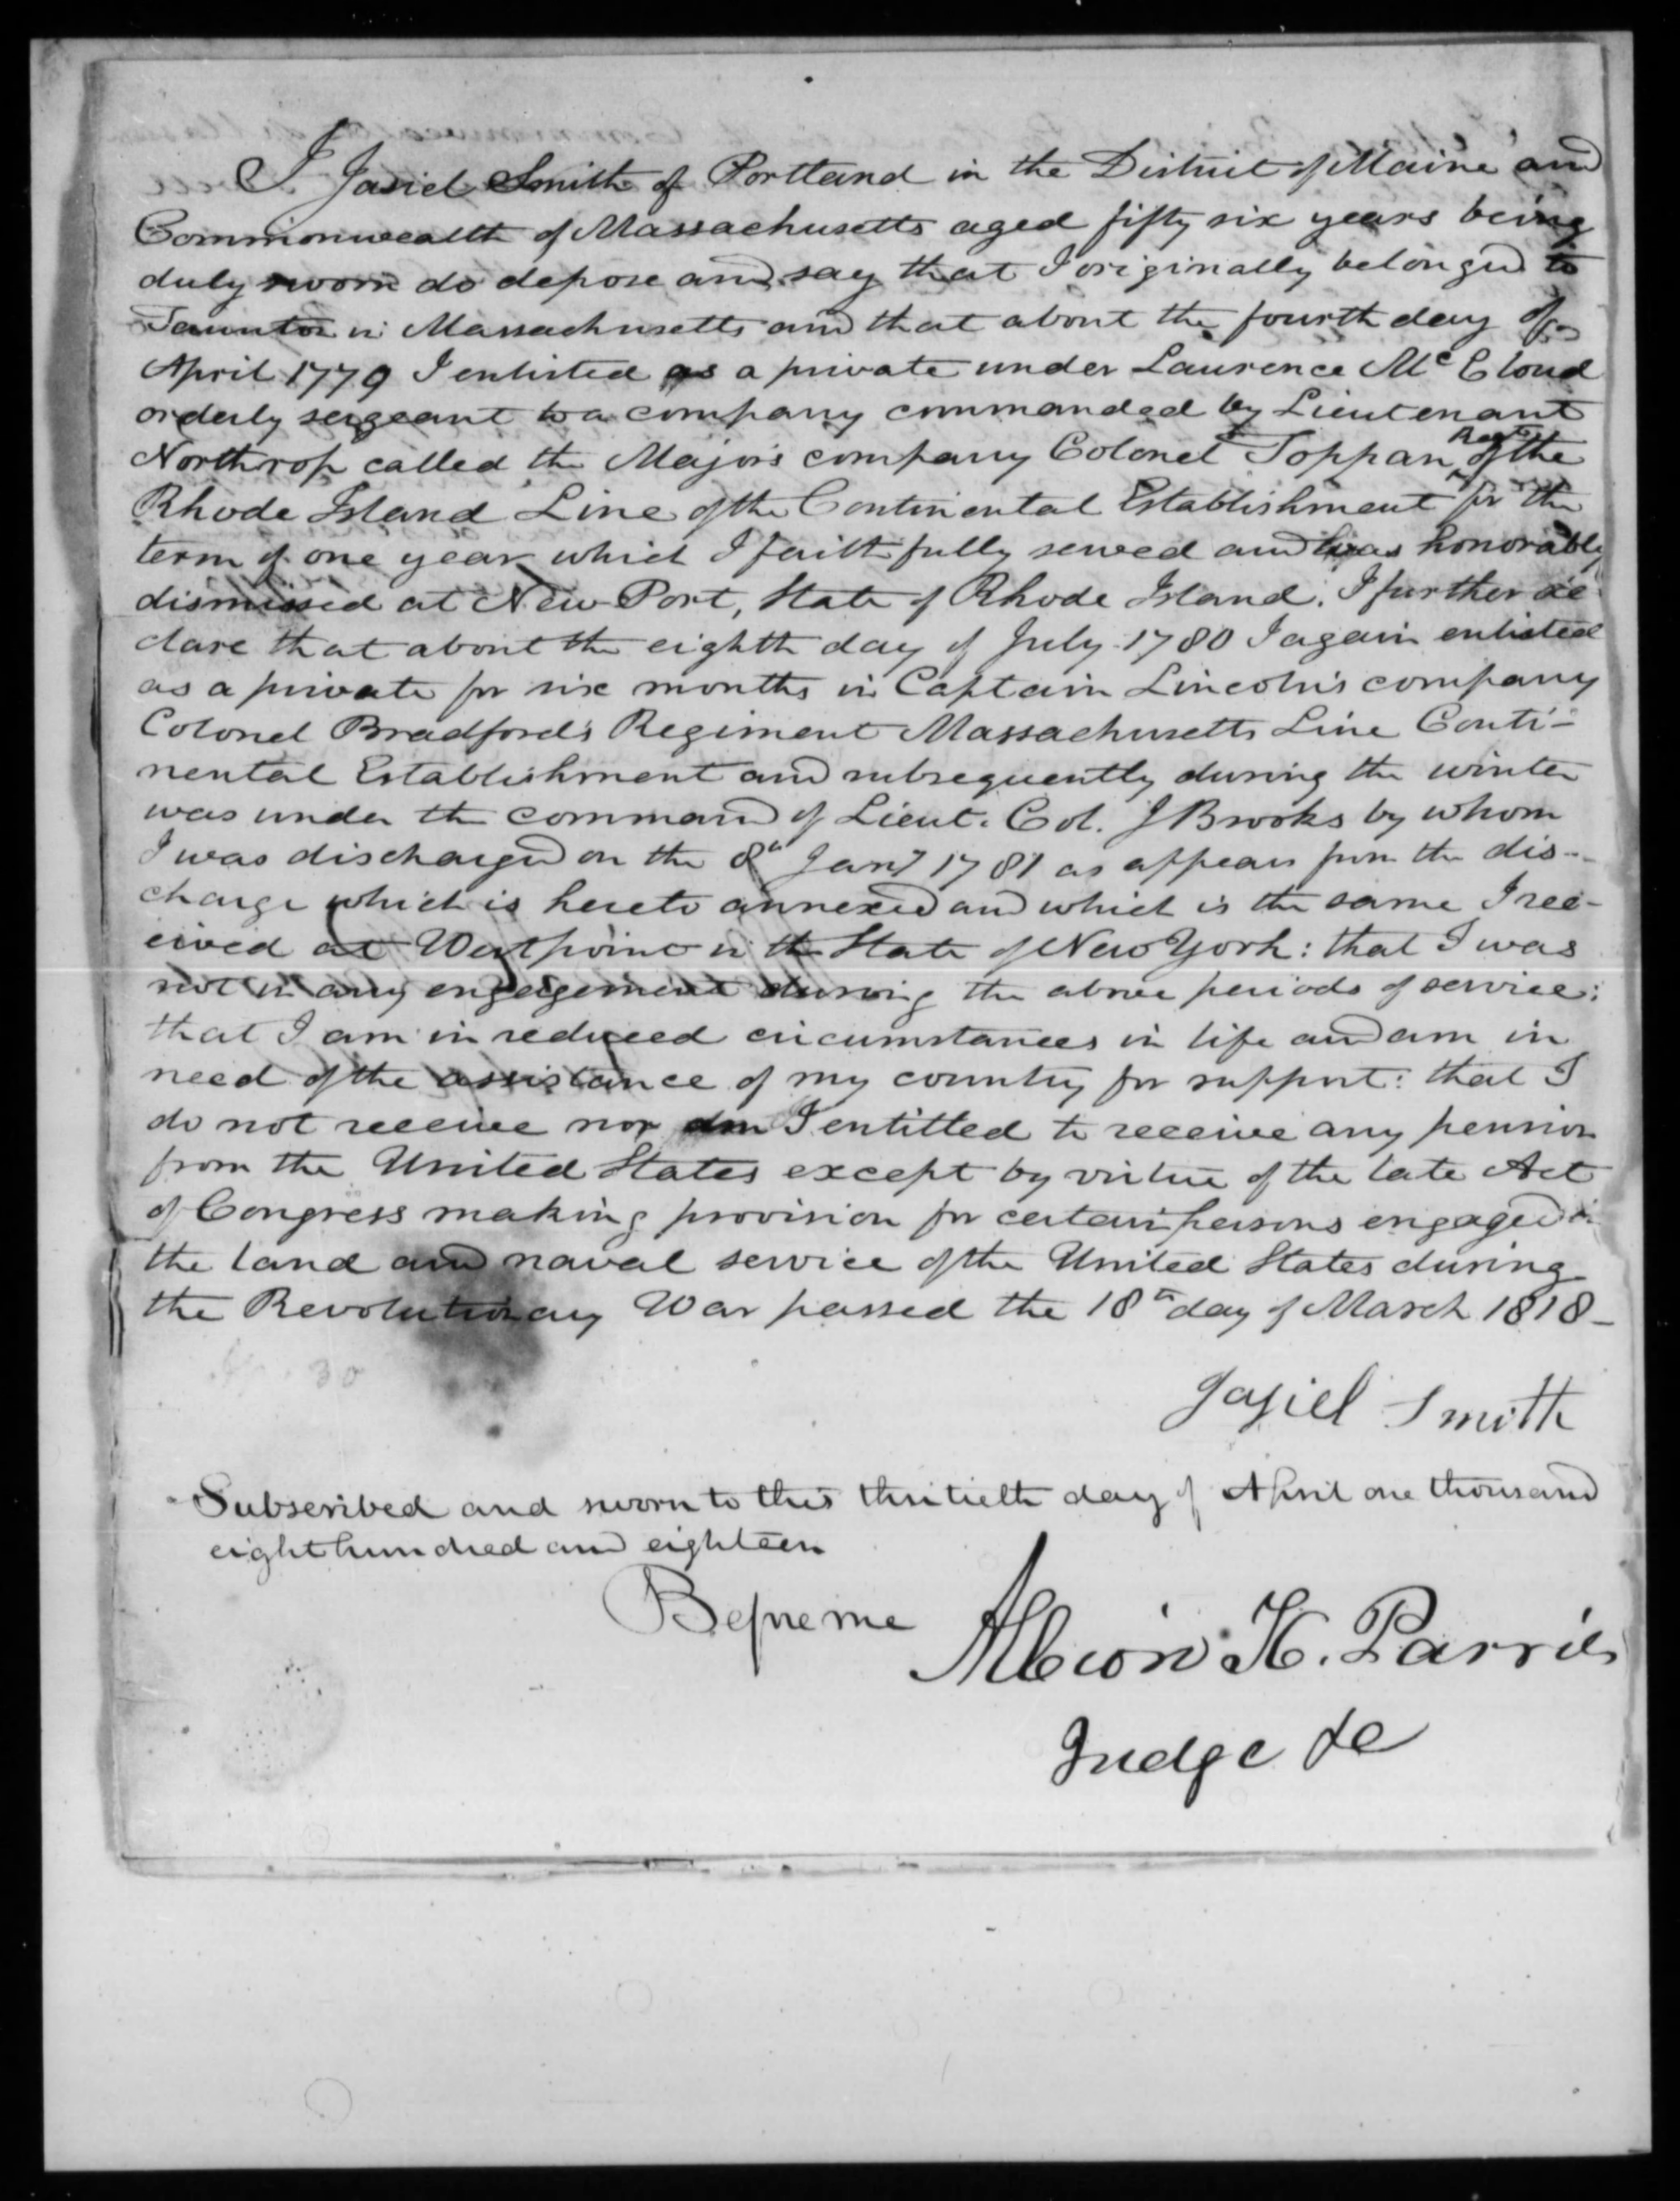Daniel Smith of Portland in the District of Maine and  Commonwealth of Massachusetts aged fifty six years being duly sworn do depose and say that I originally belonged to Taunton in Massachusetts and that about the fourth day of
April 1779 I enlisted as a private under Lawrence McCloud orderly sergeant to a company commanded by Lieutenant
Northrop called the Major's company Colonel Toppan of the Rhode Island Line of the Continental Establishment for the
term of one year which I faithfully served and was honorably dismissed at New Port, State of Rhode Island, I further
declare that about the eighth day of July 1780 I again enlisted as a private for six months in Captain Lincoln's company
Colonel Bradford's Regiment Massachusetts Line Continental
Establishment and subsequently during the winter
was under the command of Lieut. Col. J Brooks by whom
I was discharged on the 8 Jany 1781 as appears from the dis
charge which is hereto annexed and which is the same I received at Westpoint in the State of New York; that I was
not in any engagement during the above periods of service:
that I am in reduced circumstances in life and am in
need of the assistance of my country for support: that I 
do not receive nor am I entitled to receive any pension
from the United States except by virtue of the late Act
of Congress making provision for certain persons engaged
the land and naval service of the United States during the
Revolutionary War passed the 18th day of March 1818-
Jasiel Smith
Subscribed and sworn to this thirtieth day of April one thousand
eight hundred and eighteen
Before me
Albion K. Parris
Judge &c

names: J Brooks; [BLANK] Toppan; Albion K Parris; Jasiel Smith; Jasiel Smith; Laurence Mc Cloud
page: 12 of 20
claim: widow's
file: W 2362, for Jasiel Smith, Massachusetts